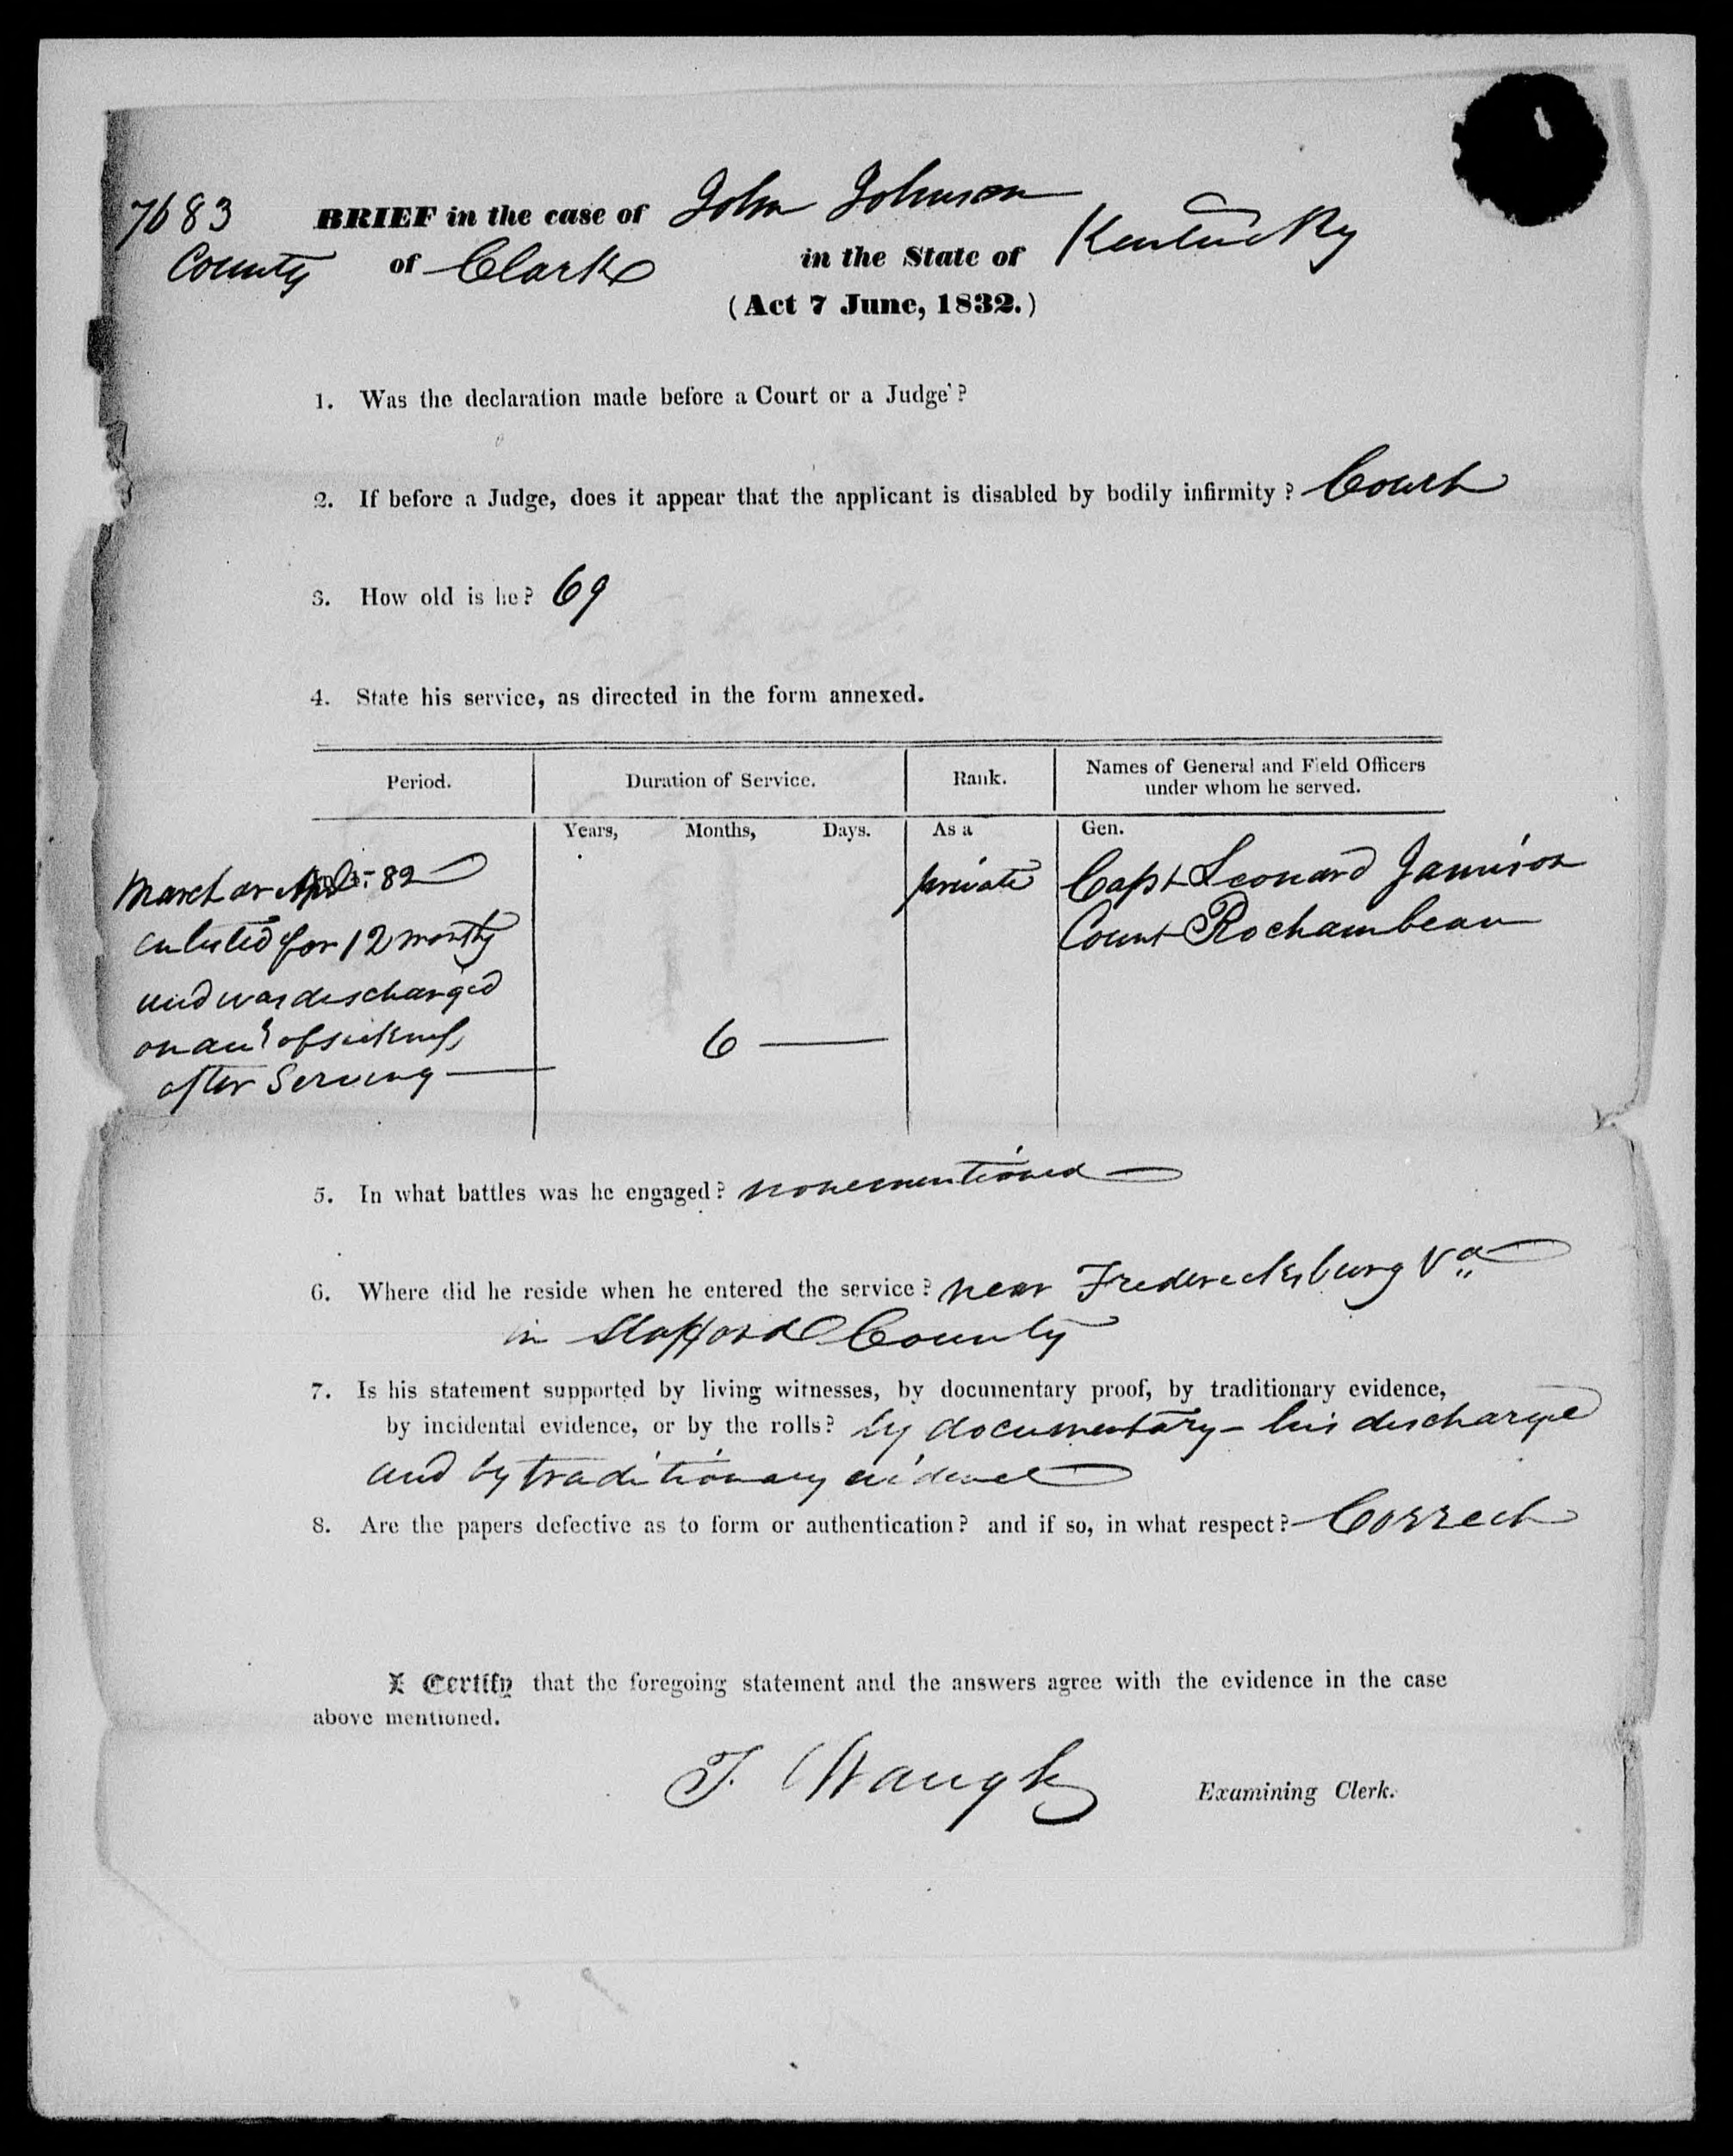7683
BRIEF in the case of John Johnson
County of Clark in the State of Kentucky
(Act 7 June, 1832.)

1. Was the declaration made before a Court or a Judge?

2. If before a Judge, does it appear that the applicant is disabled by bodily infirmity? Court

3. How old is he? 69

4. State his service, as directed in the form annexed.

[Column headings]
Period. | Duration of Service. | Rank. | Names of General and Field Officers under whom he served.

[Column subheadings]
| Years, Months, Days. | As a | Gen.

[Table body row]
March or April 1782 enlisted for 12 months and was discharged on act of sickness, after serving -- | 6 [in the months column] | private | Capt Leonard Jamison Count Rochambeau

5. In what battles was he engaged? none mentioned

6. Where did he reside when he entered the service? near Fredericksburg Va in Stafford County

7. In his statement supported by living witnesses, by documentary proof, by traditionary evidence, by incidental evidence, or by the rolls? by documentary-- his discharge and by traditionary evidence

8. Are the papers defective as to form or authentication? and if so, in what respect? Correct

Certify that the foregoing statement and the answers agree with the evidence in the case above mentioned.

[signature] T. [illegible]
Examining Clerk.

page: 3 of 16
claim: rejected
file: R. 5634, for John Johnson, Virginia